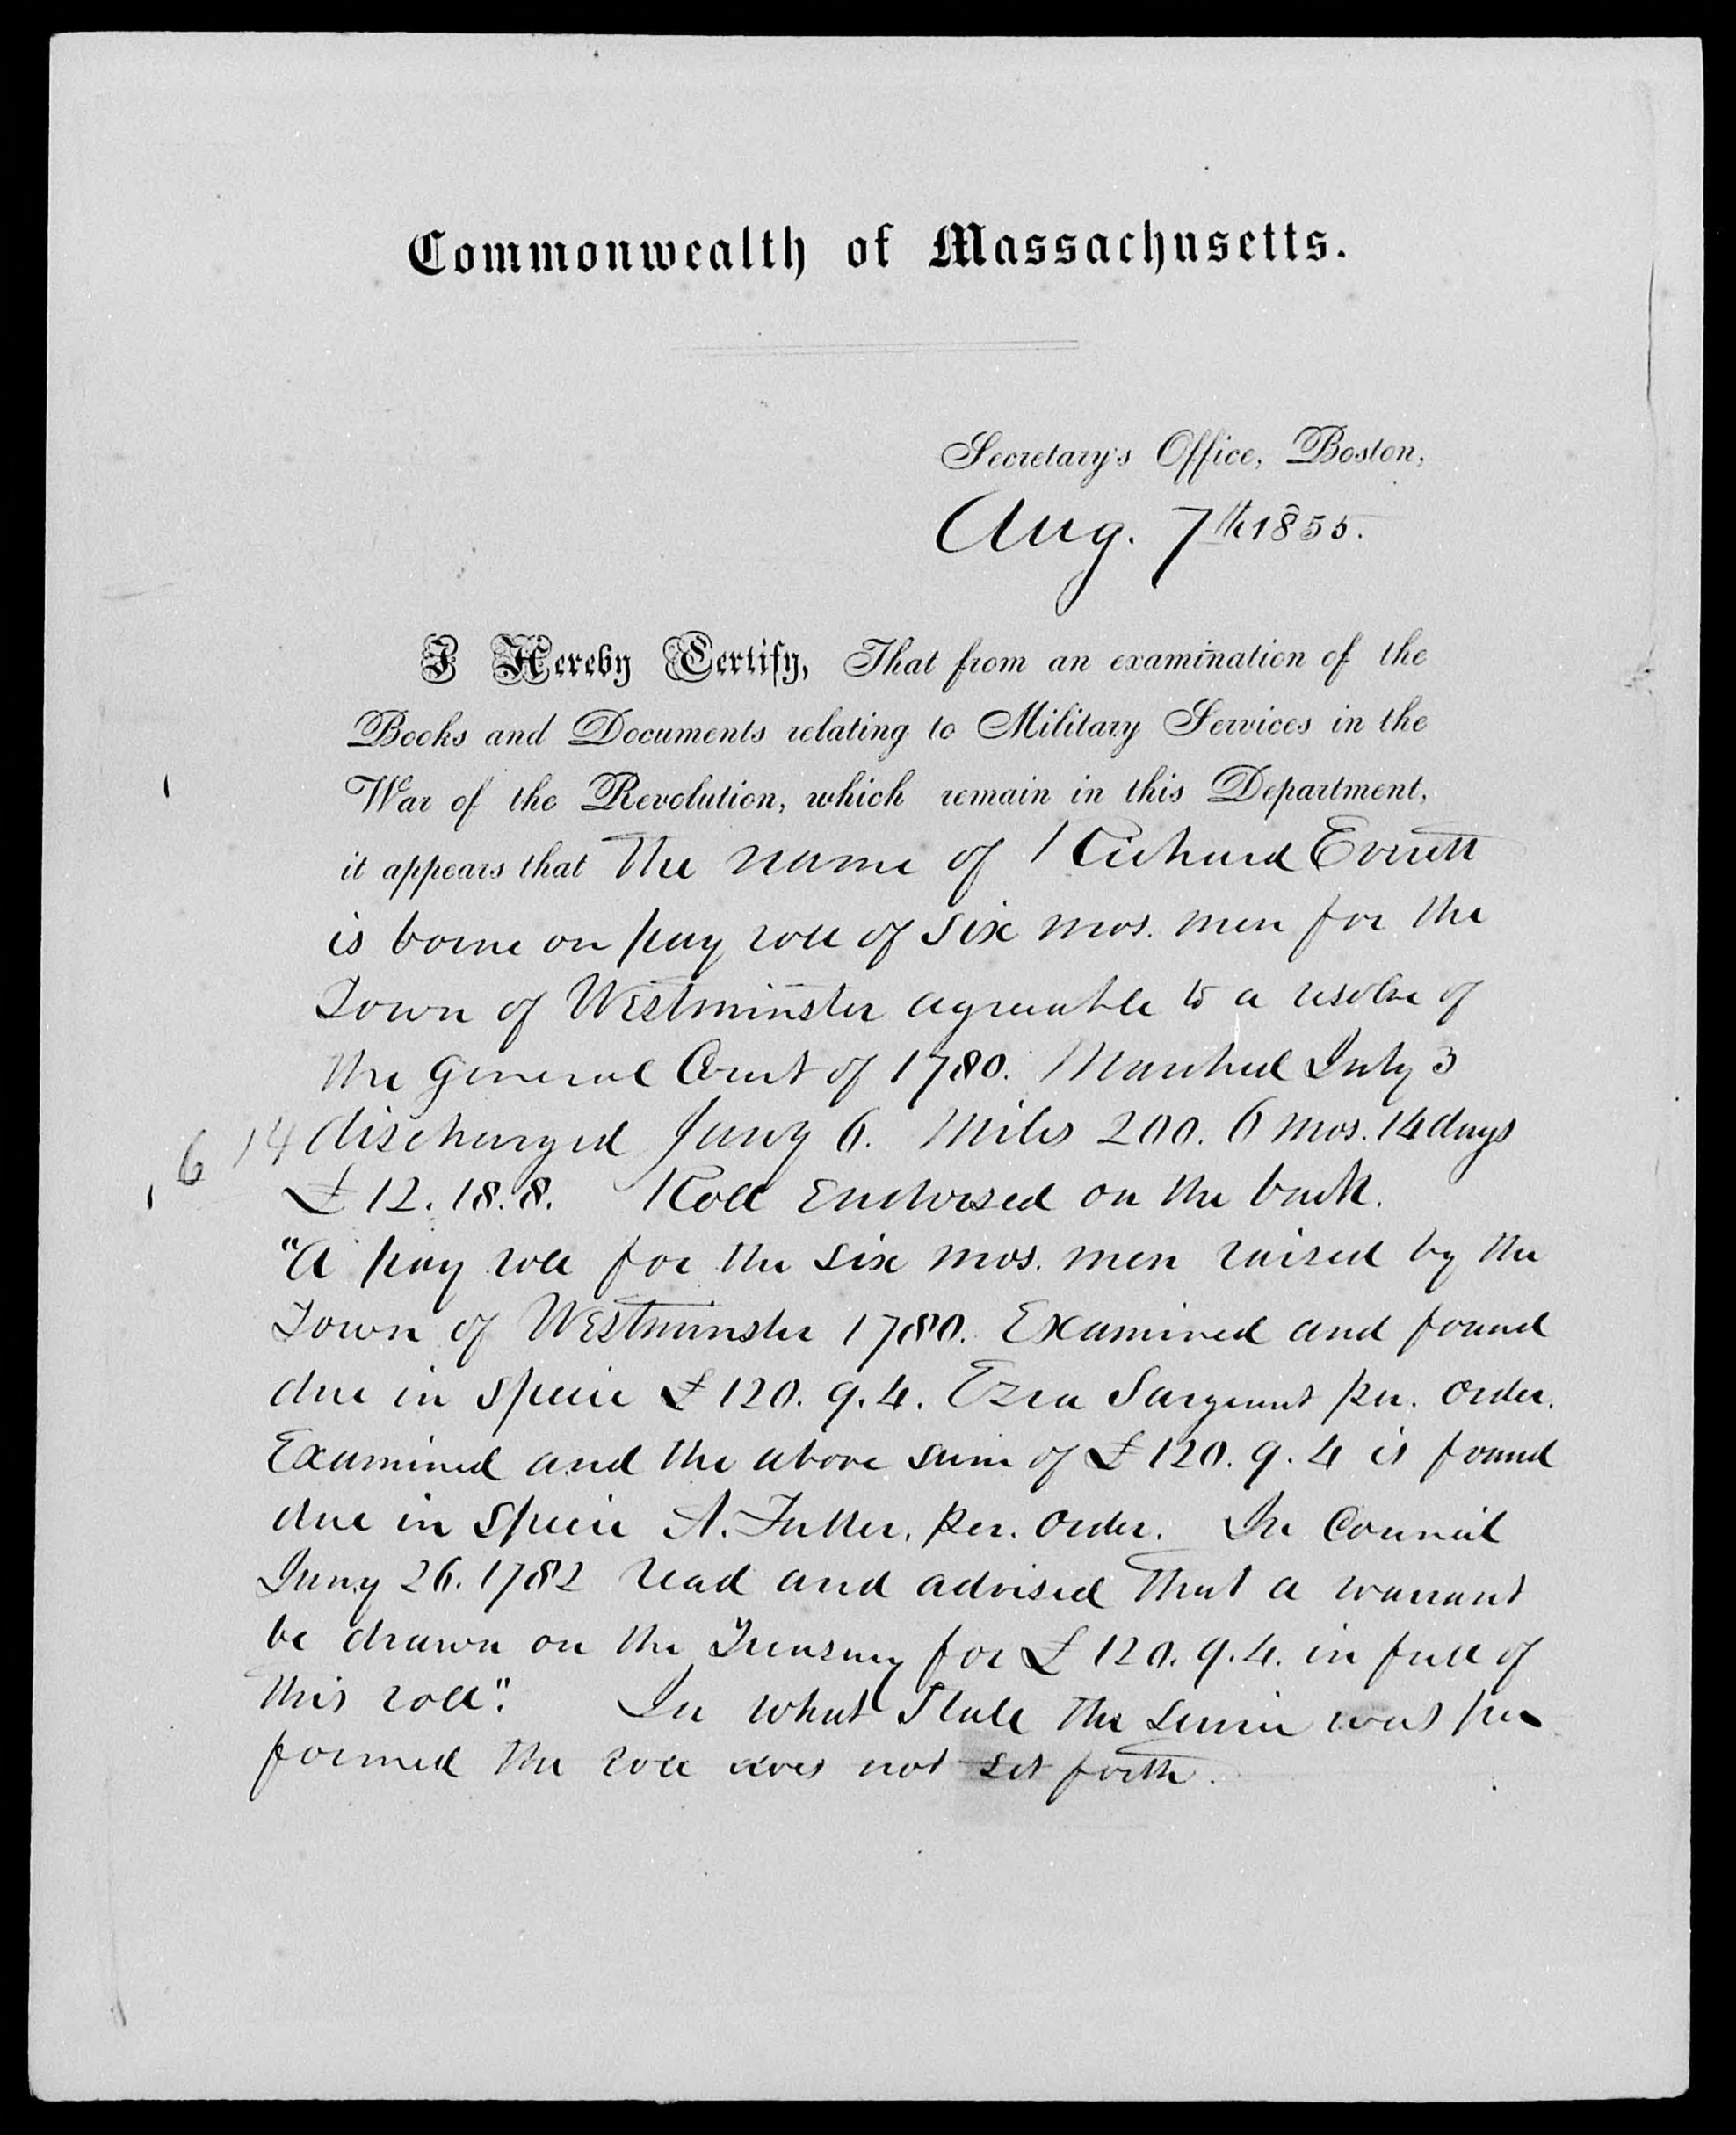Commonwealth of Massachusetts 
Secretary's Office, Boston, 
Aug. 7th 1855. 

I Hereby Certify, That from an examination of the Books and Documents relating to Military Services in the War of the Revolution, which remain in this Department, it appears that the name of Richard Everett is borne on pay roll of six mos men for the Town of Westminster agreeable to a resolve of the general Court of 1780. Marched July 3 14 discharged Jany 6.  Miles 200.  6 mos 14 days 12.  £12.18.8  Roll Endorsed on the back "A pay roll for the six was men raised by the Town of Westminster 1780. Examined and found due in Specie £120.9.4. Ezra Sargent pr order Examined and the above sum of £120.9.4 is found due in Specie A. Fuller, Per. order.   In Council June 26, 1782 read and advised that a warrant be drawn on the Treasury for £120.9.4. in full of this roll."  In what State the service was performed the note does not set forth.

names: Ezra Sargeant, Richard Everett, A Fuller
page: 54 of 59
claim: widow's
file: W. 23017, Richard Clair Everett, Mass.